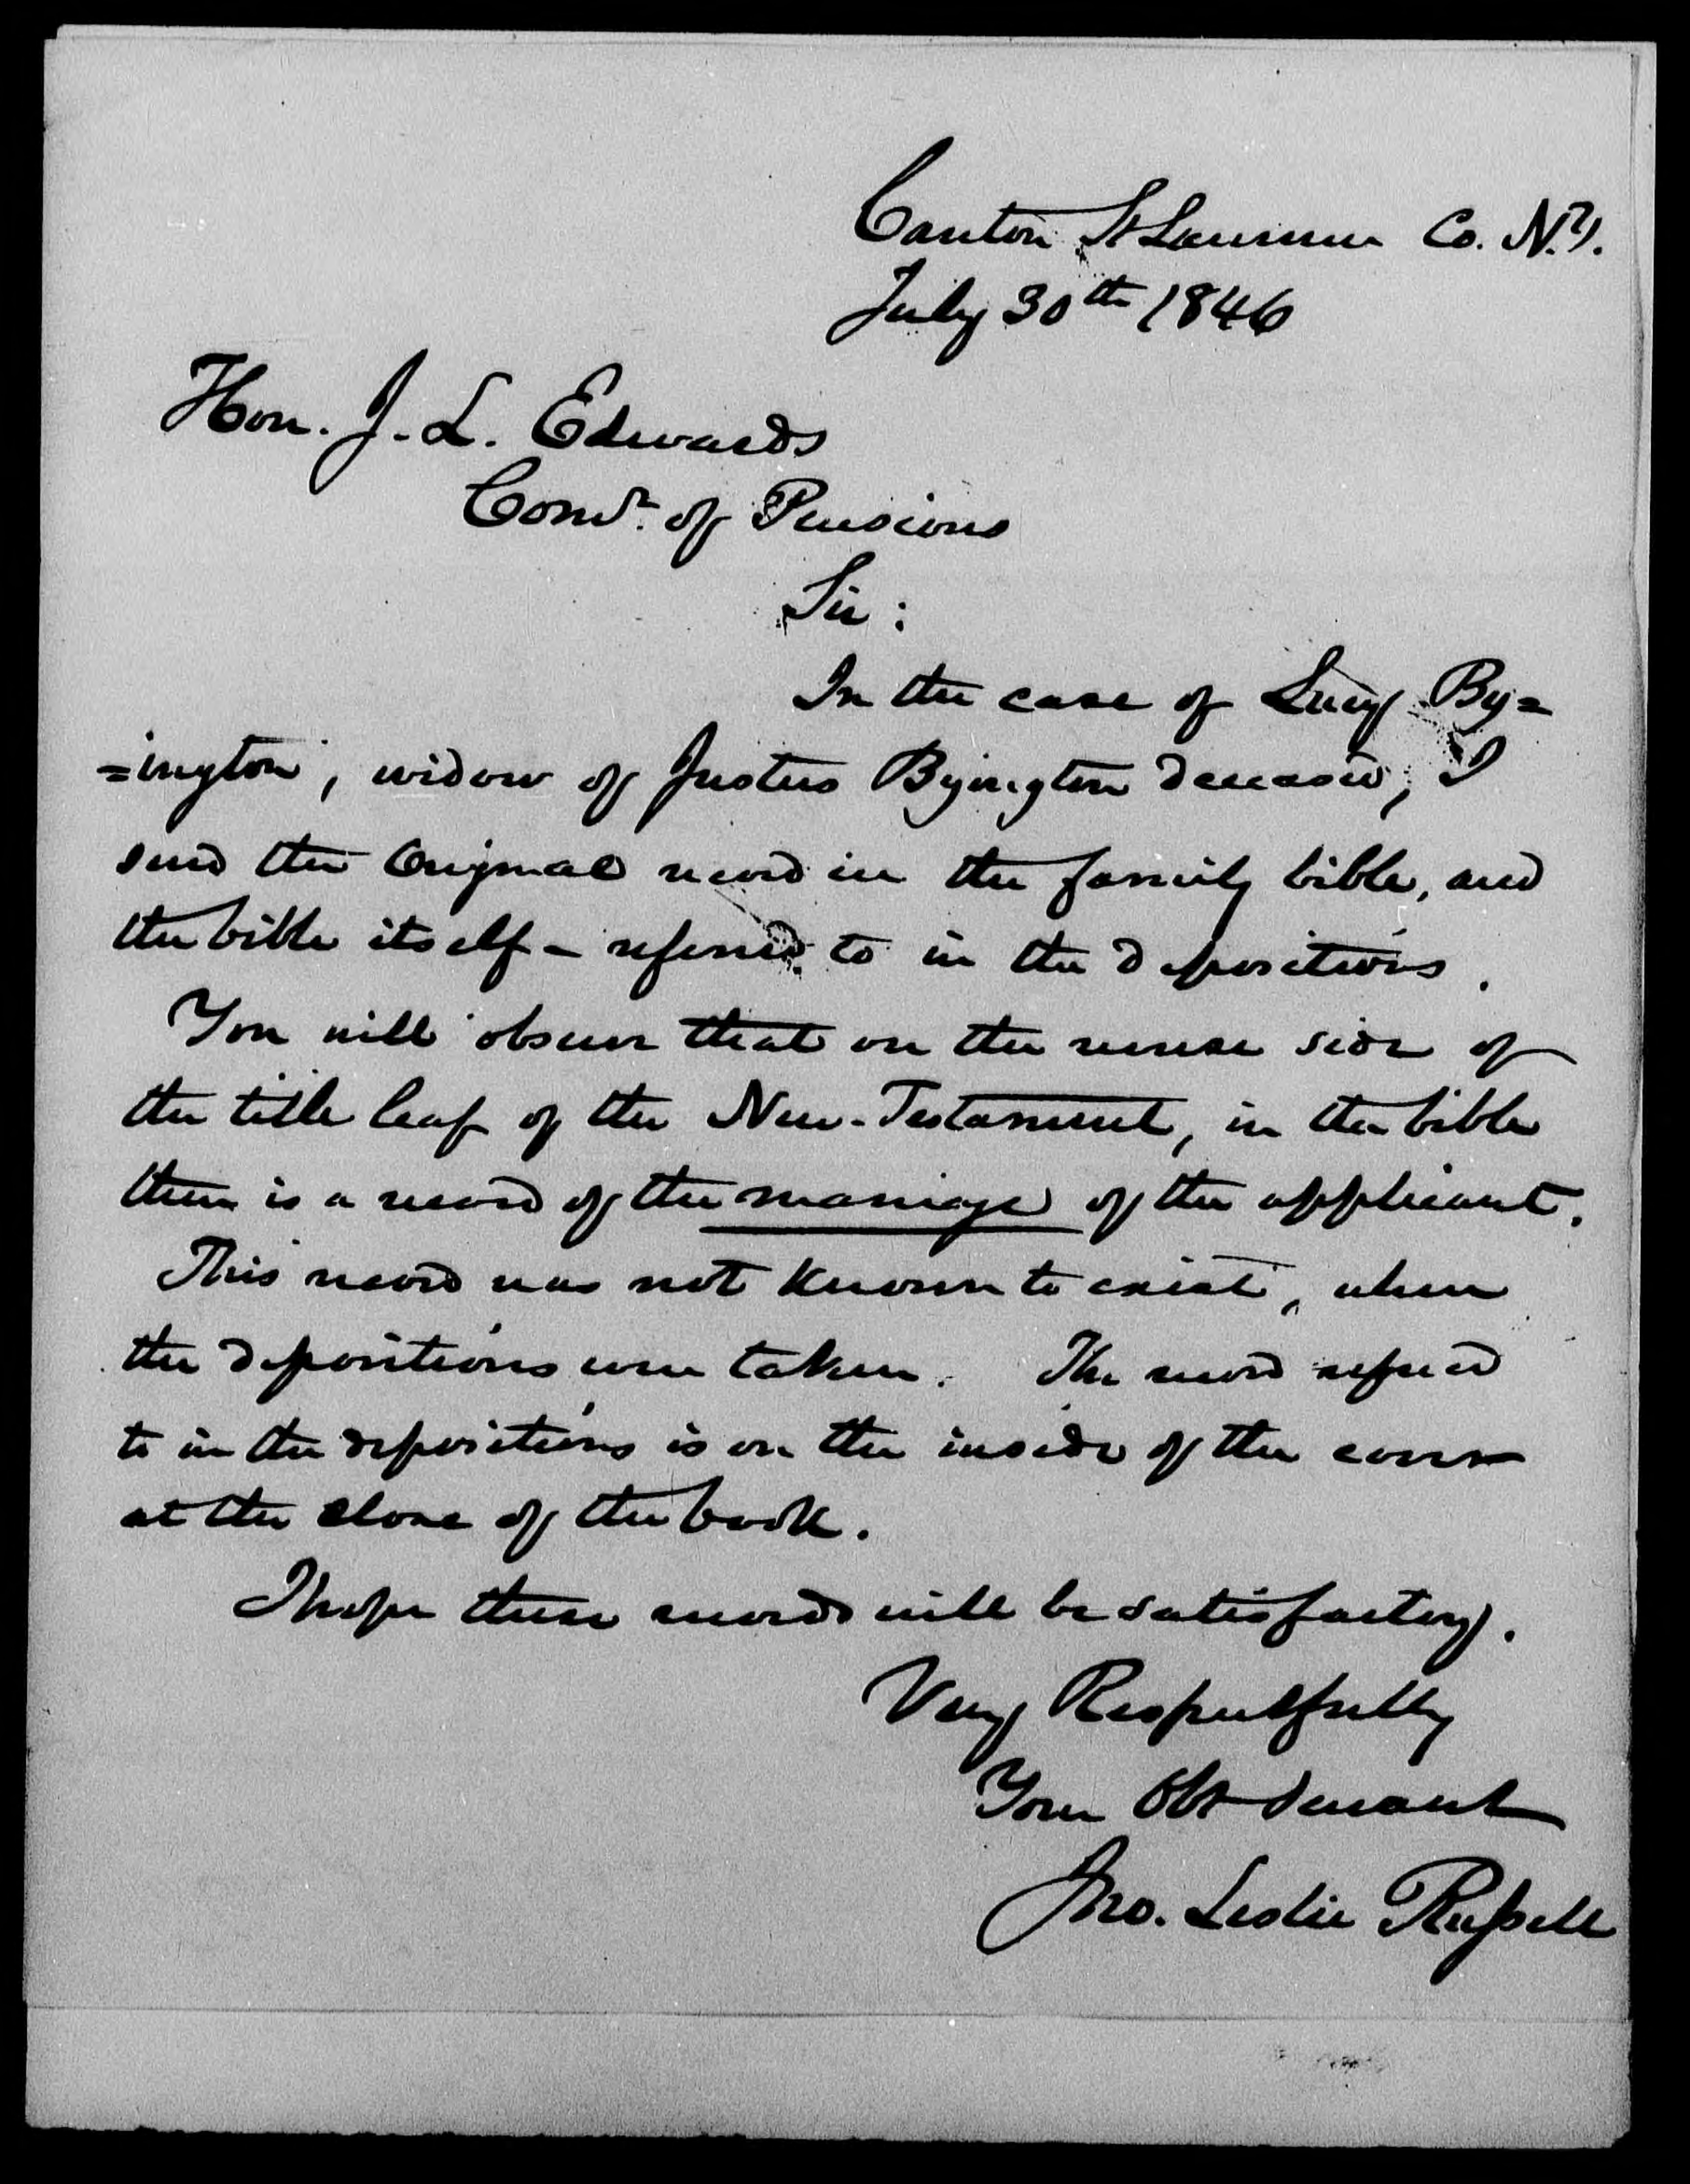Canton St. Lawrence Co. N.Y.
July 30th 1846

Hon. J. L. Edwards
Com. of Pensions
Sir:

In the case of Lucy Byington, widow of Justus Byington deceased, I send the original record in the family bible, and the bible itself-referred to in the depositions. You will observe that on the versus side of the title leaf of the New Testament, in the bible then is a record of the marriage of the applicant. This record was not known to exist, when the depositions were taken. The record referred to in the depositions is on the inside of the cover at the above of the back.
I hope these records will be satisfactory.
Very Respectfully
Your Obt Servant
Jno. Leslie Russell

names: Justus Byington, Lucy Byington, J L Edwards, Jno Leslie Russell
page: 46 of 79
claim: widow's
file: W. 23754, Justus Byington, Conn.